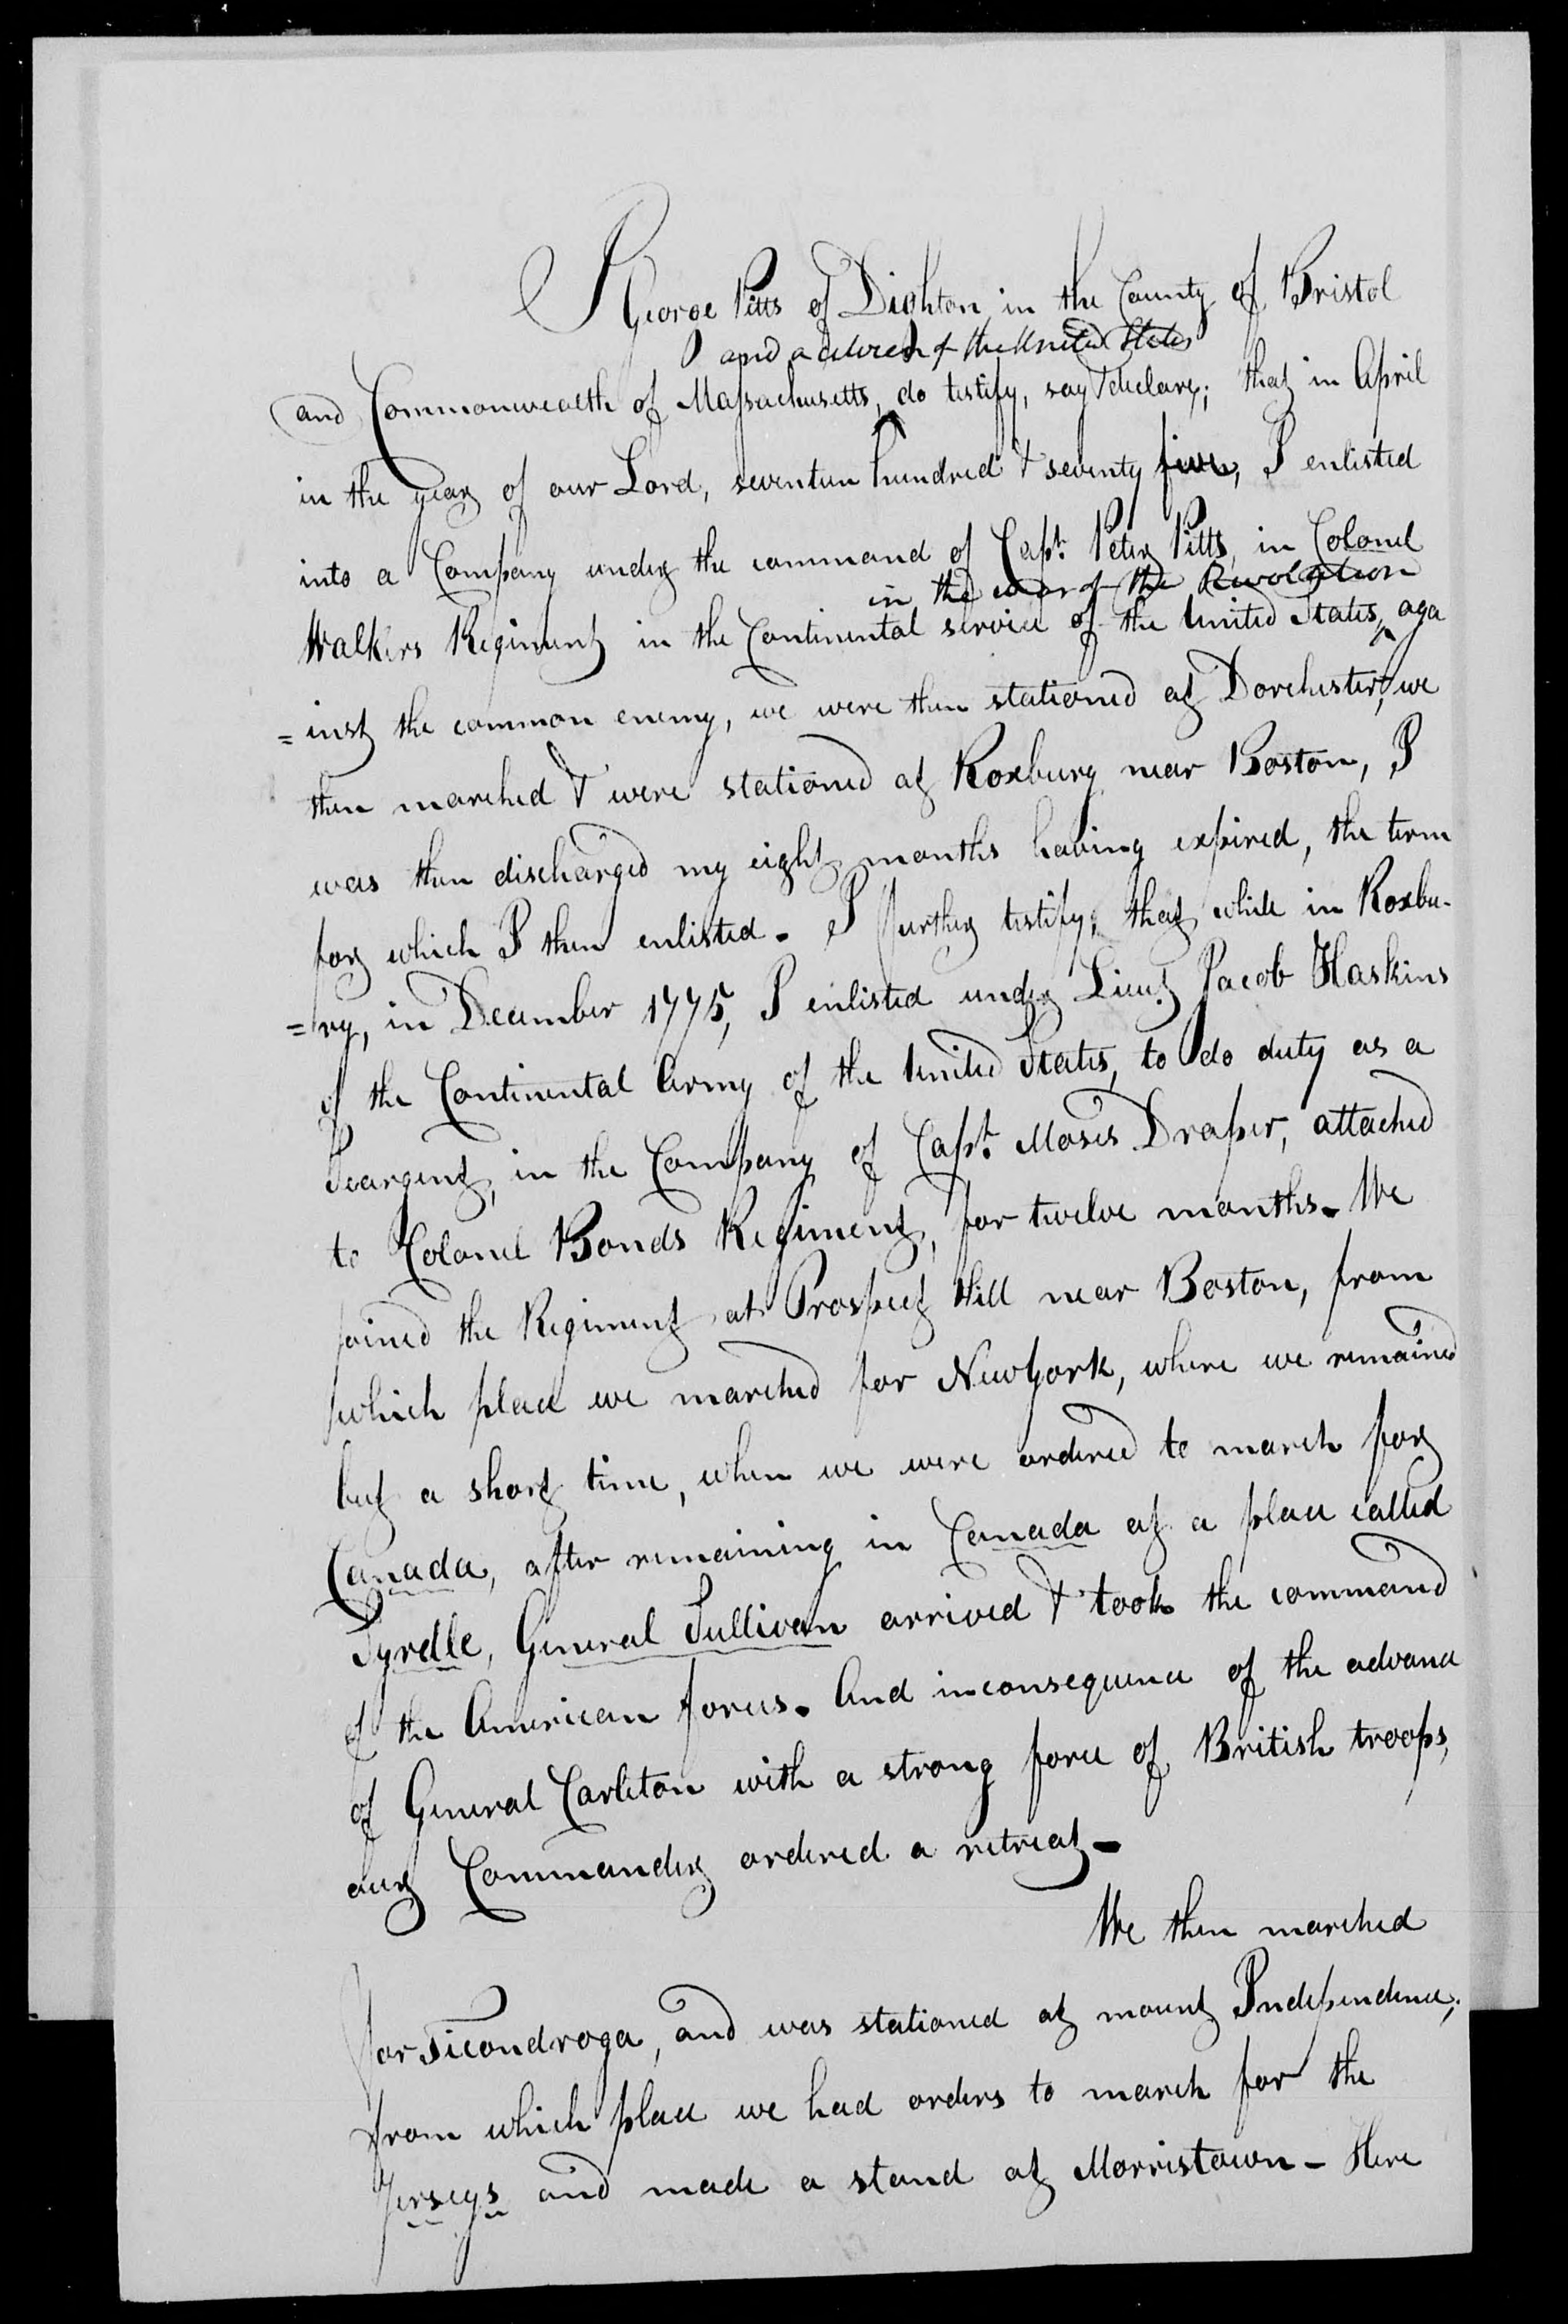I George Pitts of Dighton in the County of Bristol
and a citizen of the United States
and Commonwealth of Massachusetts do testify, say voluntary; that in April
in the year of our Lord, seventeen hundred & seventy five, I enlisted
in to a Company under the command of Capt. Peter PItts in  Colonel
Walker's Regiments in the Continental service of the war of 
the Revolution of the United States against
the common enemy, we were then station at Dorchester, we
then marched & were stationed at Roxbury near Boston, I
was then discharged my eight months having expired, the term
pay which I then enlisted. I further testify that while in Roxbury
in December 1775, I enlisted under Lieut. Jacob Haskins
of the Continental Army of the United States, to do duty as a
Sargent in the Company of Capt. Moses Draper, attached
to Colonel Bonds Regiment, for twelve month. We 
joined the Regiment at Prospect Hill near Boston, from
which place we marched for New York, where we remained
but a short time, when we were ordered to march for
Canada, after remaining in Canada at a place called 
Syrelle, General Sullivan arrived & took the command
of the American forces. And in consequence of the advance
of General Carleton with a strong force of British troops,
and commanding ordered a retreat.
               We then marched
for Ticonderoga and was stationed at Mount Independence;
from which place we had orders to march for the
Jerseys and made a stand of Morristown..There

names: [BLANK] Carleton; Moses Draper; [BLANK] Sullivan; Jacob Haskins; Peter Pitts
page: 3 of 54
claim: widow's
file: W. 26,897, for George Pitts, Massachusetts